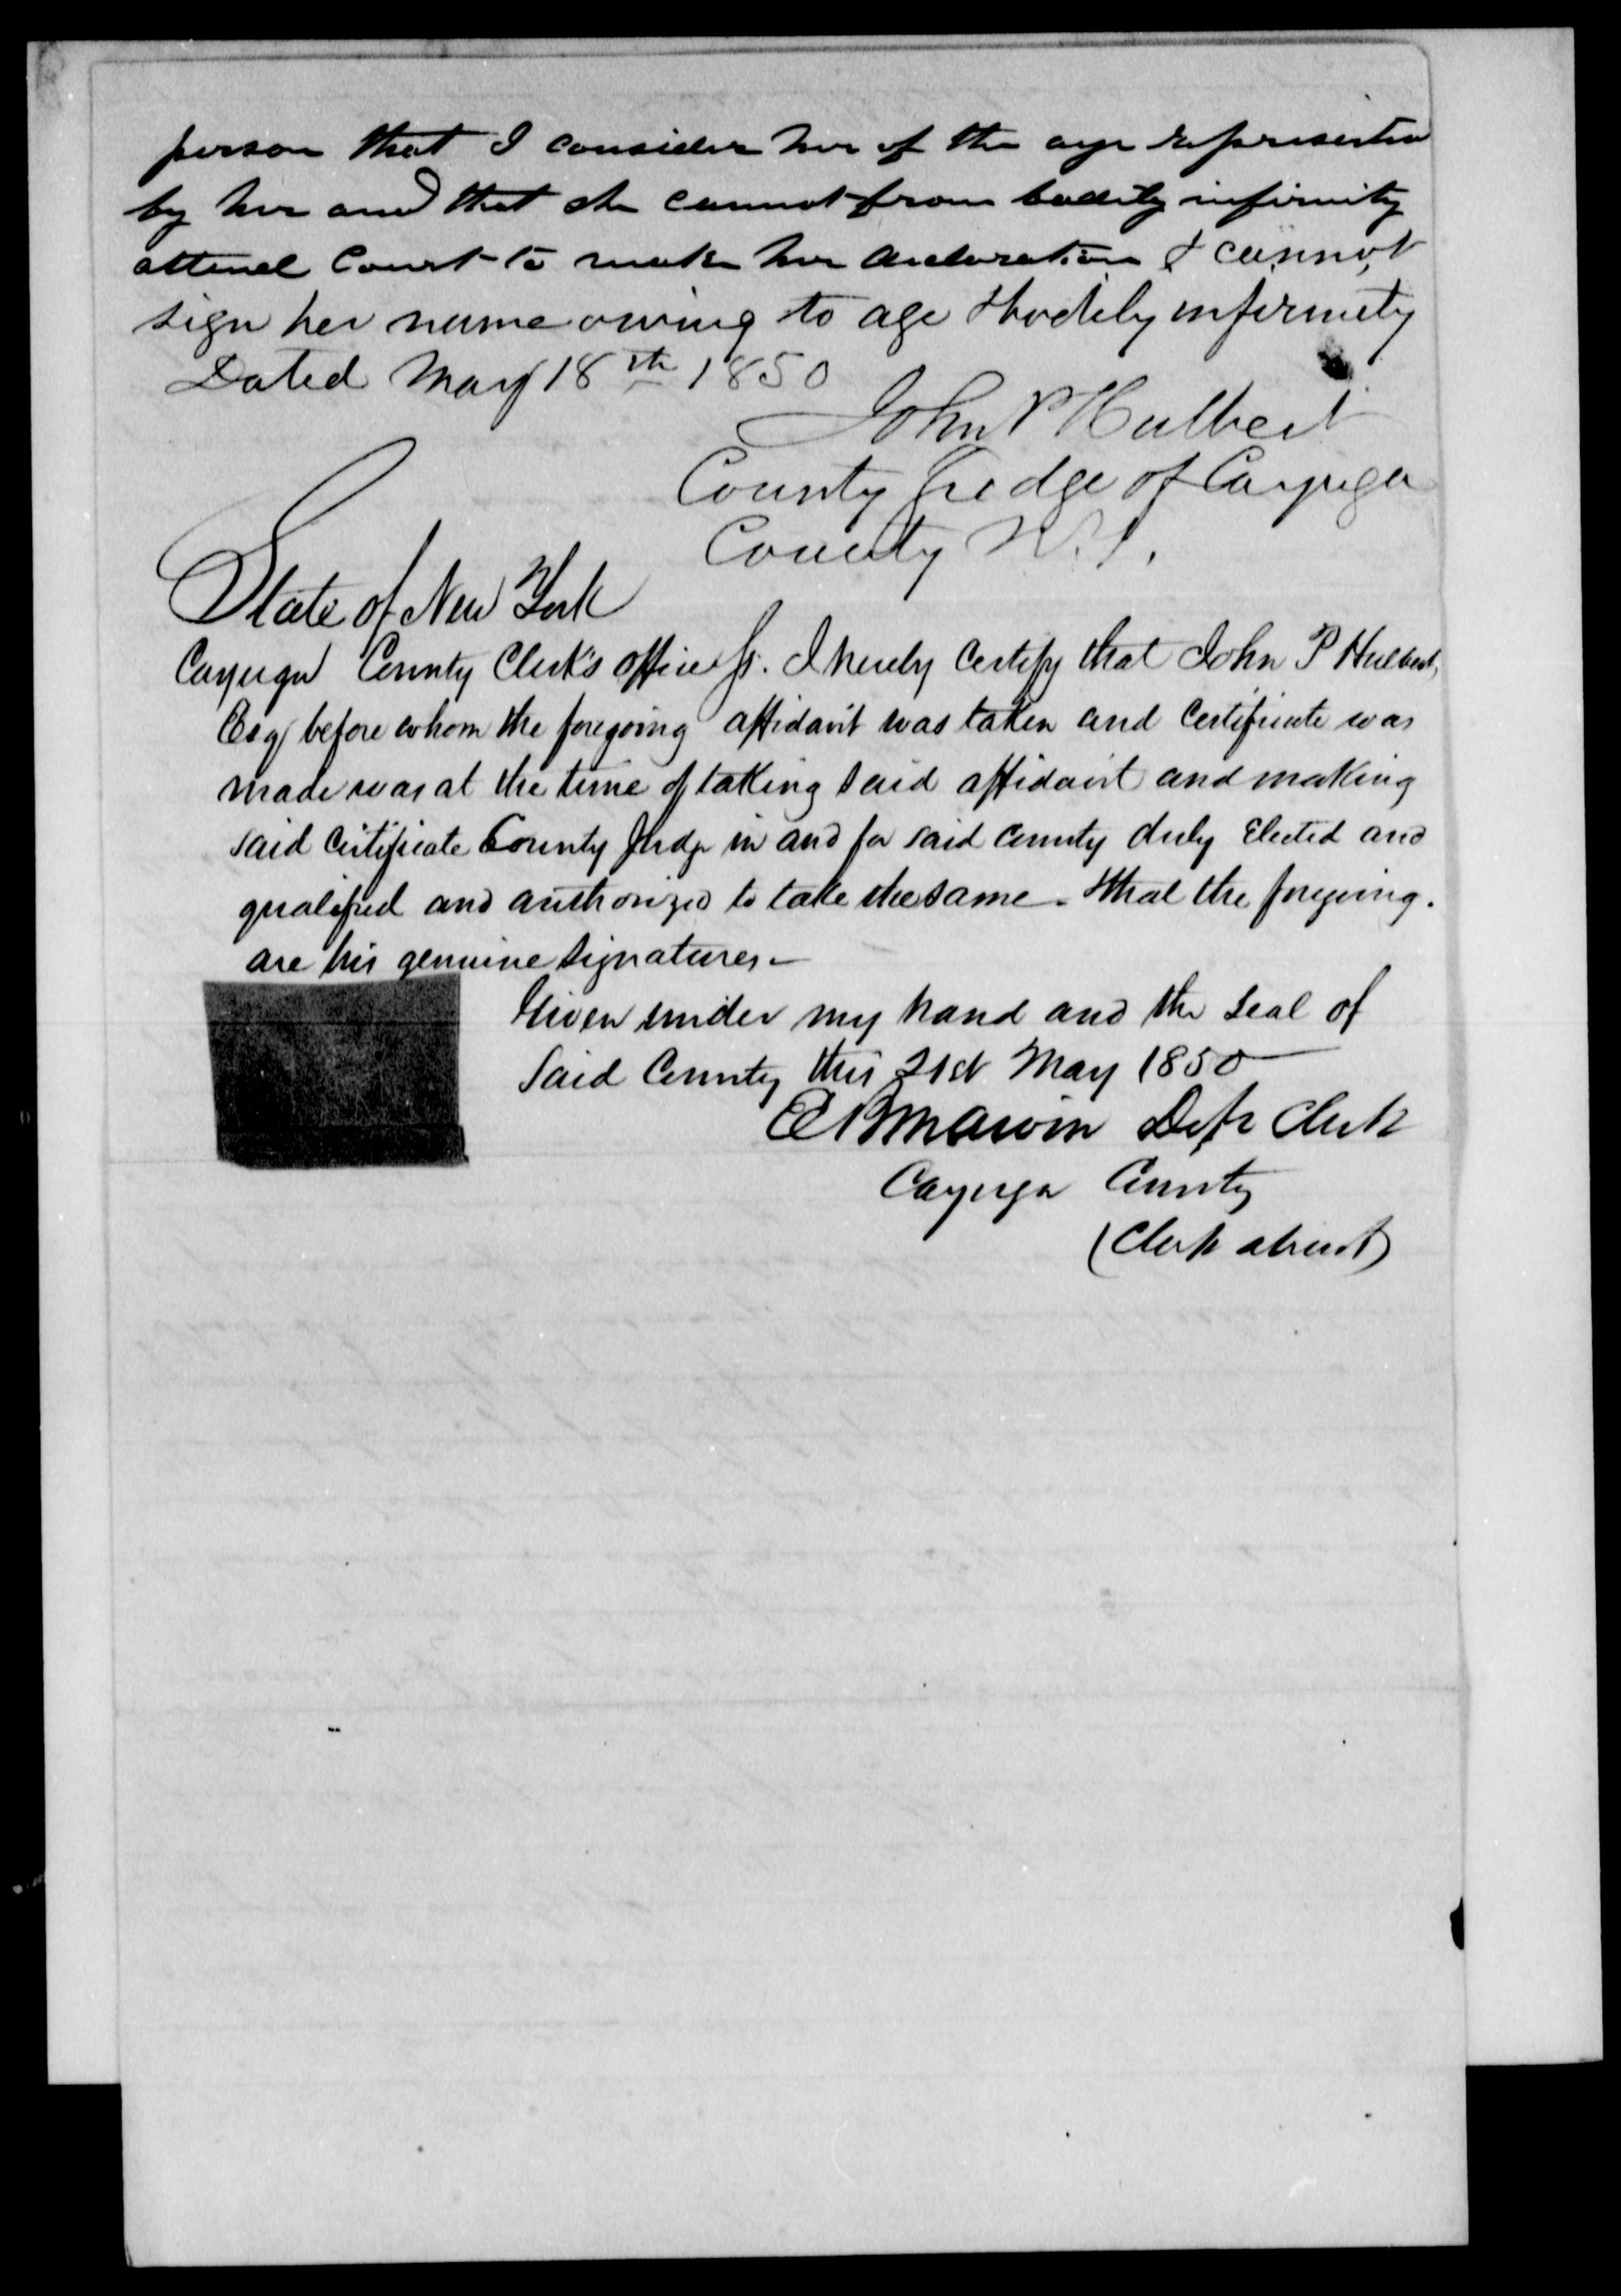person that I consider her of the age represented by her and that she cannot from bodily infirmity attend the Court to make her declaration & cannot sign her name owing to bodily infirmity.
Dated May 18th 1850
John P. Hulbert
County Judge of Cayuga County N. Y.

State of New York
Cayuga County Clerk's Office Ss.
I hereby certify that John P. Hulbert Esq. before whom the foregoing affidavit was taken and certificate was made was at the time of taking said affidavit and making said certificate County Judge in and for said county duly elected and qualified and authorized to take the same. That the foregoing are his genuine signatures.
(seal)
Given under  my hand and the seal of said County this 21st May, 1850
E. B. Marvin Dep. Clerk
Cayuga County
[ Clerk (illegible) ]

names: John P Hulbert, E B Marvin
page: 93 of 98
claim: widow's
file: W. 1682, Valentine Wheeler, Mass.